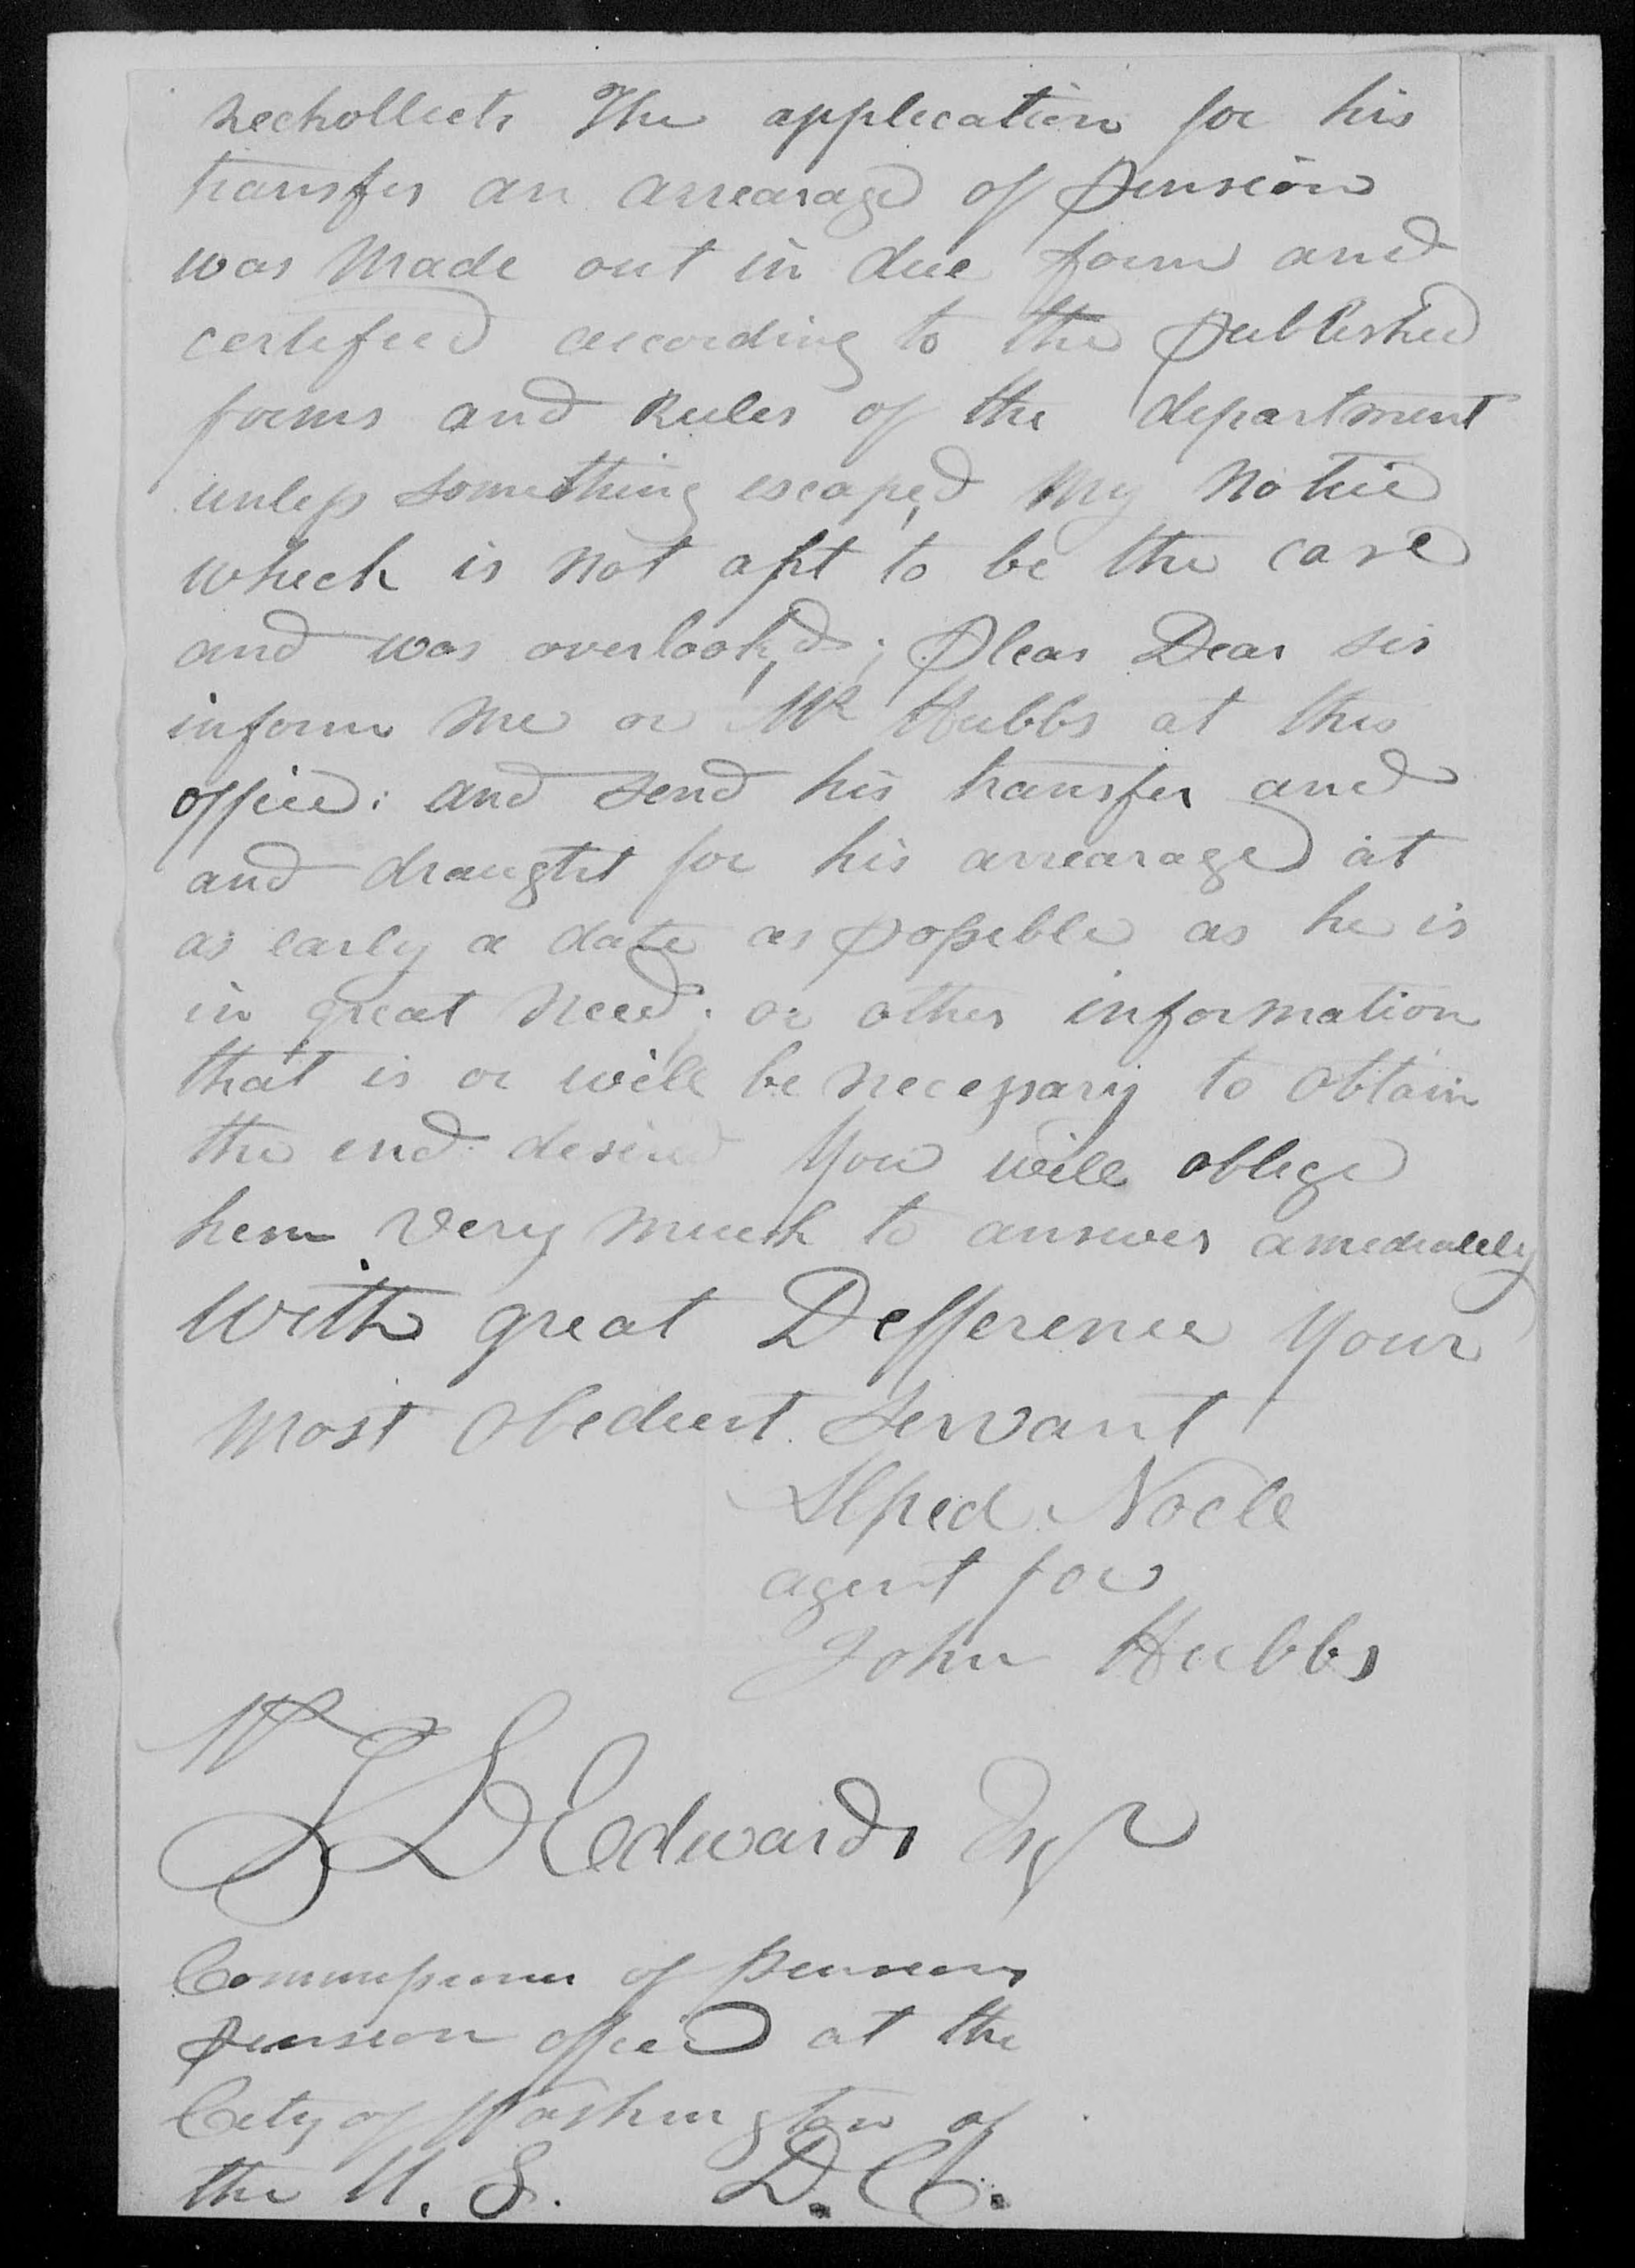rechollects the application for his transfer an arrearage of pension was made out in due form and certified according to the published forms and rules of the department unless something escaped my notice which is not apt to be the case and was overlooked; pleas Dear Sir inform me or Mr Hubbs at this office; and send his transfer and and draught for his arrearage at
as early a date as possible as he is in great need or other information that is or will be necessary to obtain the end desired. You will oblige him very much to answer amediately
With great Defference your
most obedient Servant
Alfred Noell
agent for
John Hubbs

J.L. Edwards Esq
Commissioner of Pensions
pension office at the
City of Washington of
the U.S.   D.C.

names: Hubbs, John Hubbs, J L Edwards, Alfred Noell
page: 53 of 86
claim: widow's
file: W. 1035, John Hubbs, S.C.